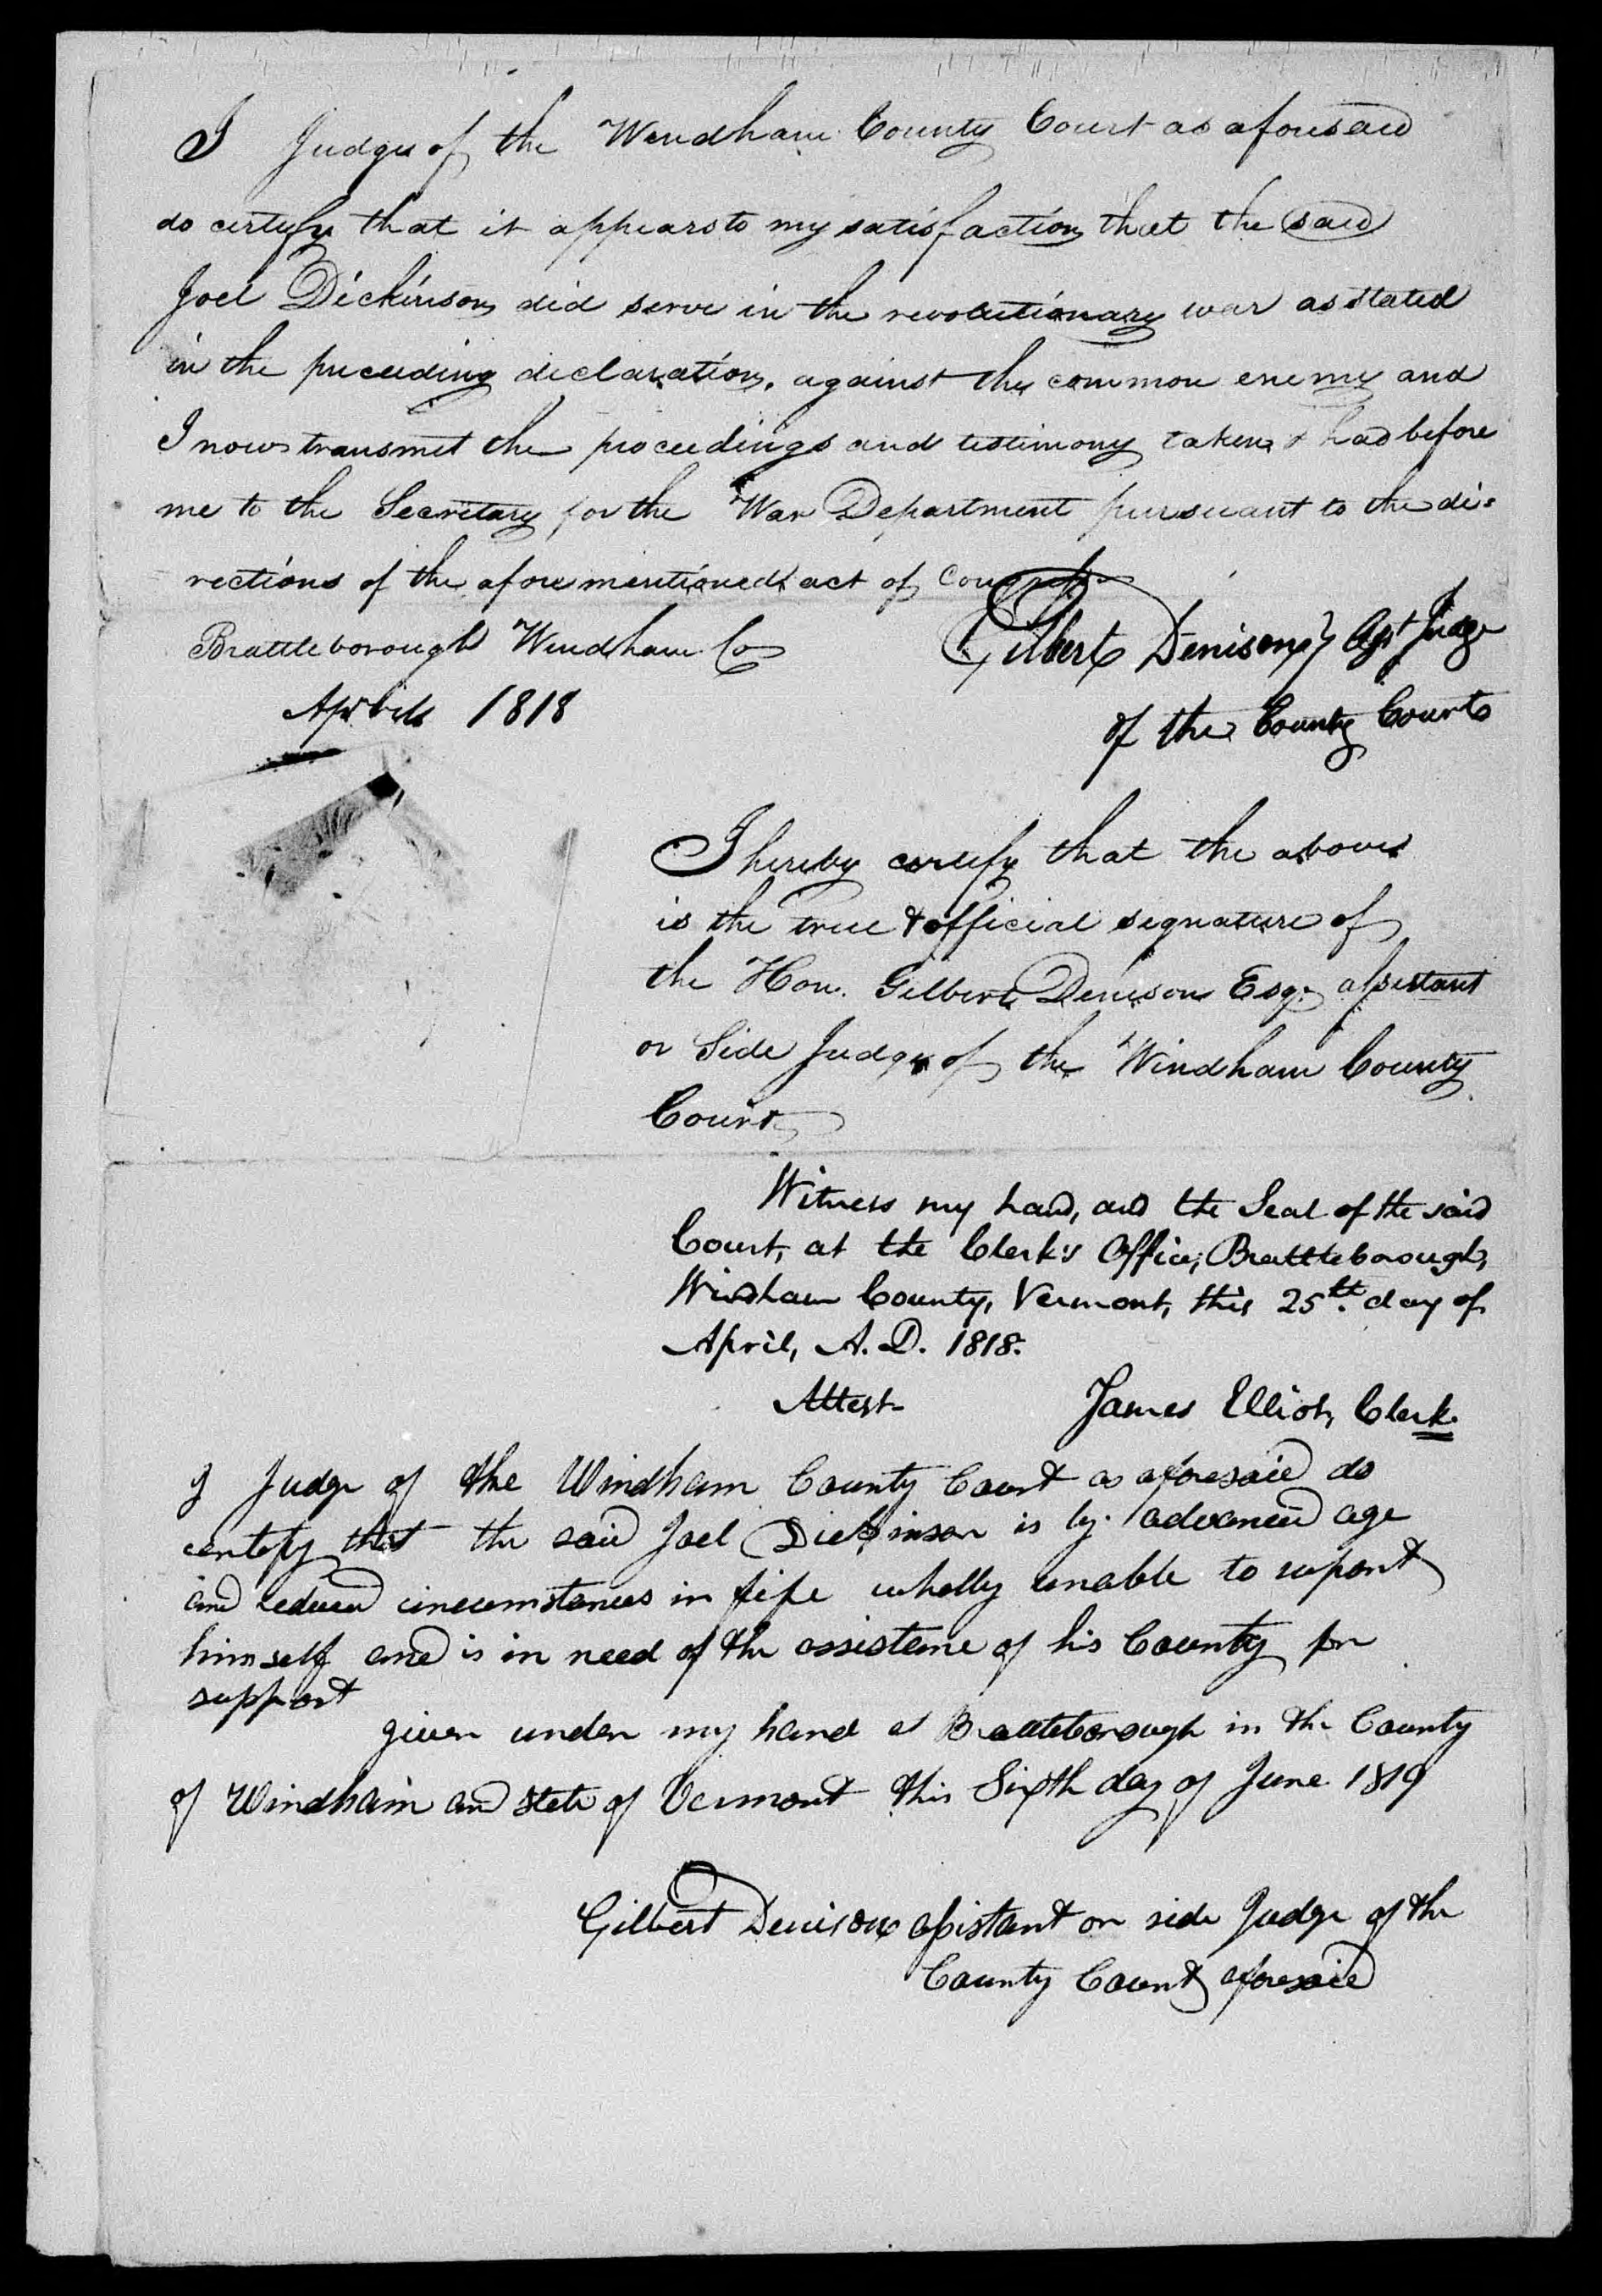I, Judge of the Windham County Court as aforesaid
do certify that it appears to my satisfaction that the said
Joel Dickinson did serve in the revolutionary war as stated
in the preceeding [sic] declaration, against the common enemy and
I now transmit the proceedings and testimony taken and had before me 
to the Secretary for the War Department pursuant to the directions of the aforementioned act of Congress.
Gilbert Denison assistant judge of the county courts
Brattleborough Windham County
April 1818

I hereby certify that the above
is the true and official signature of
the Hon. Gilbert Denison Esquire assistant
or Side Judge of the Windham County court.
Witness my hand, and the Seal of the said
Court, at the Clerk's Office, Brattleborough,
Windham County, Vermont, this 25th day of
April, A.D. 1818.
Attest
James Elliot Clerk
I, Judge of the
Windham County Court as aforesaid do
certify that the said Joel Dickinson is by advanced age
and reduced circumstances in life wholly unable to support 
himself and is in need of the assistance of his Country for
support
given under my hand at Brattleborough in the County
of Windham and State of Vermont this sixth day of June 1819
Gilbert Denison assistant or side Judge of the
County Court aforesaid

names: Gilbert Denison, Gilbert Denison, Joel Dickinson, Gilbert Denison, Joel Dickinson, James Elliot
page: 7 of 31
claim: widow's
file: W. 22946, Joel Dickinson, Mass.